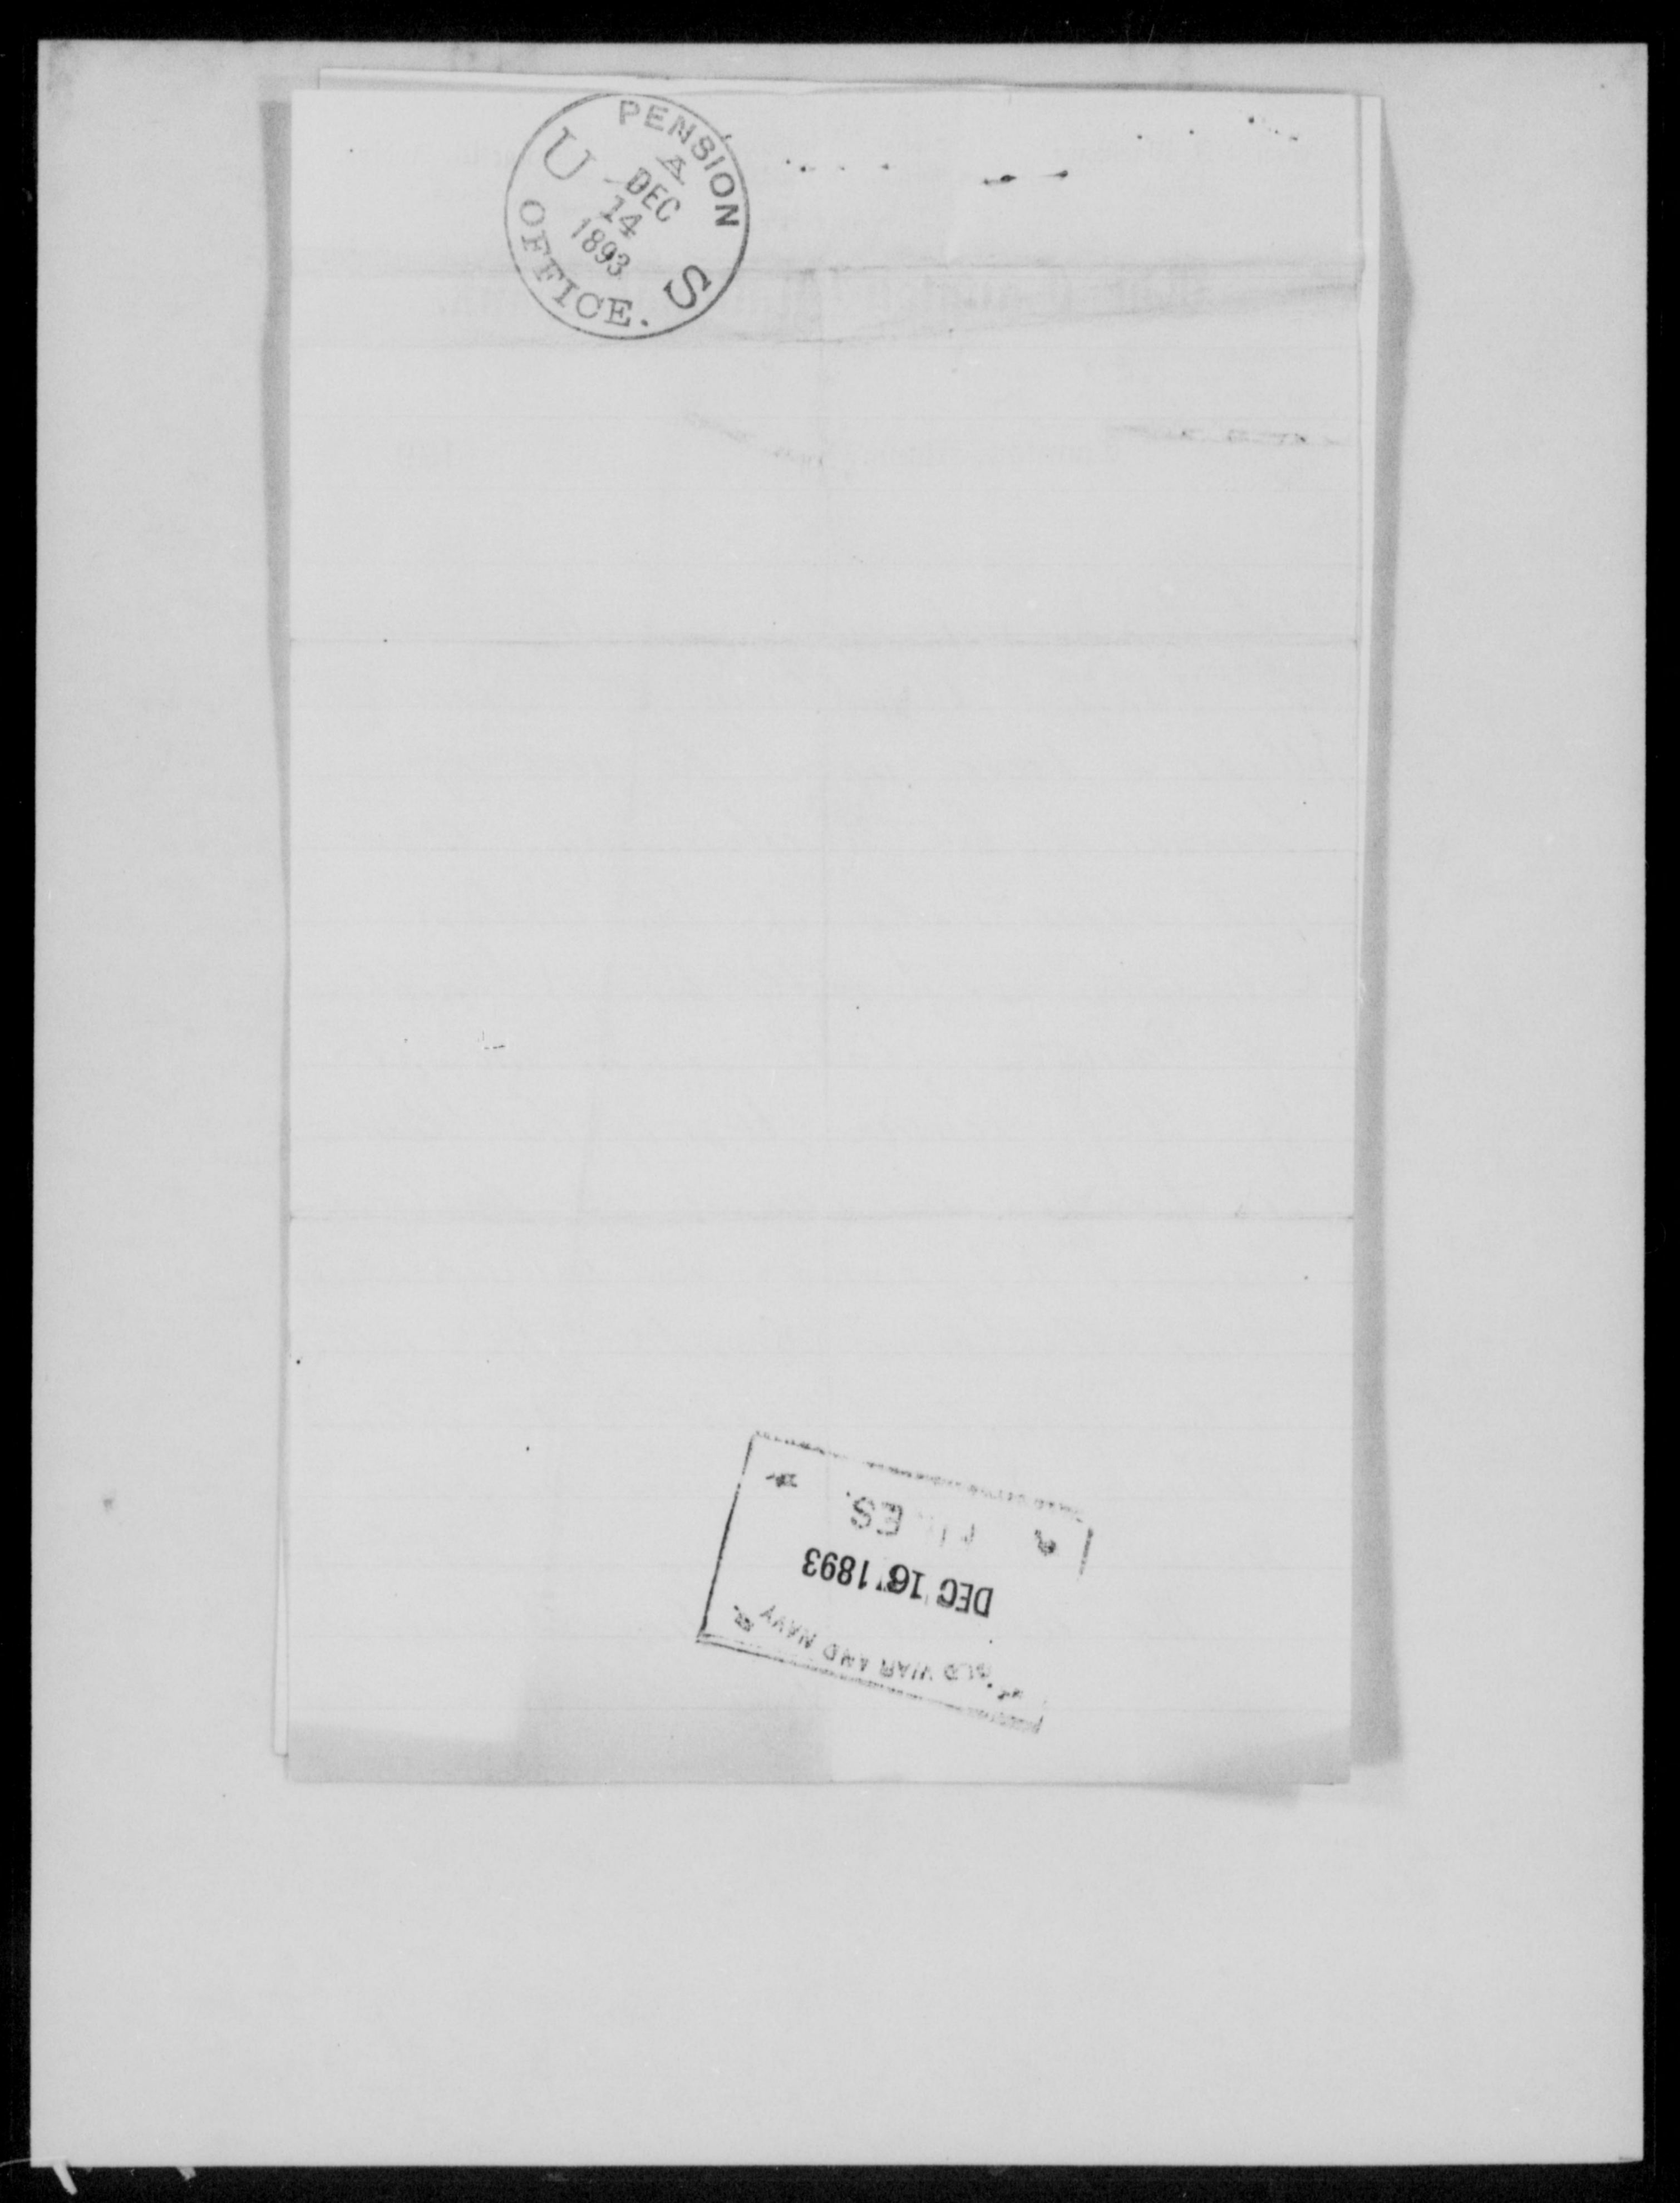[ this page has two stamps]
         A.
U. S. Pension Office.
  Dec 14 1893
 

DEC 16 1893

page: 24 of 34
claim: widow's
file: W. 1677, Isaac Washburn, Mass.